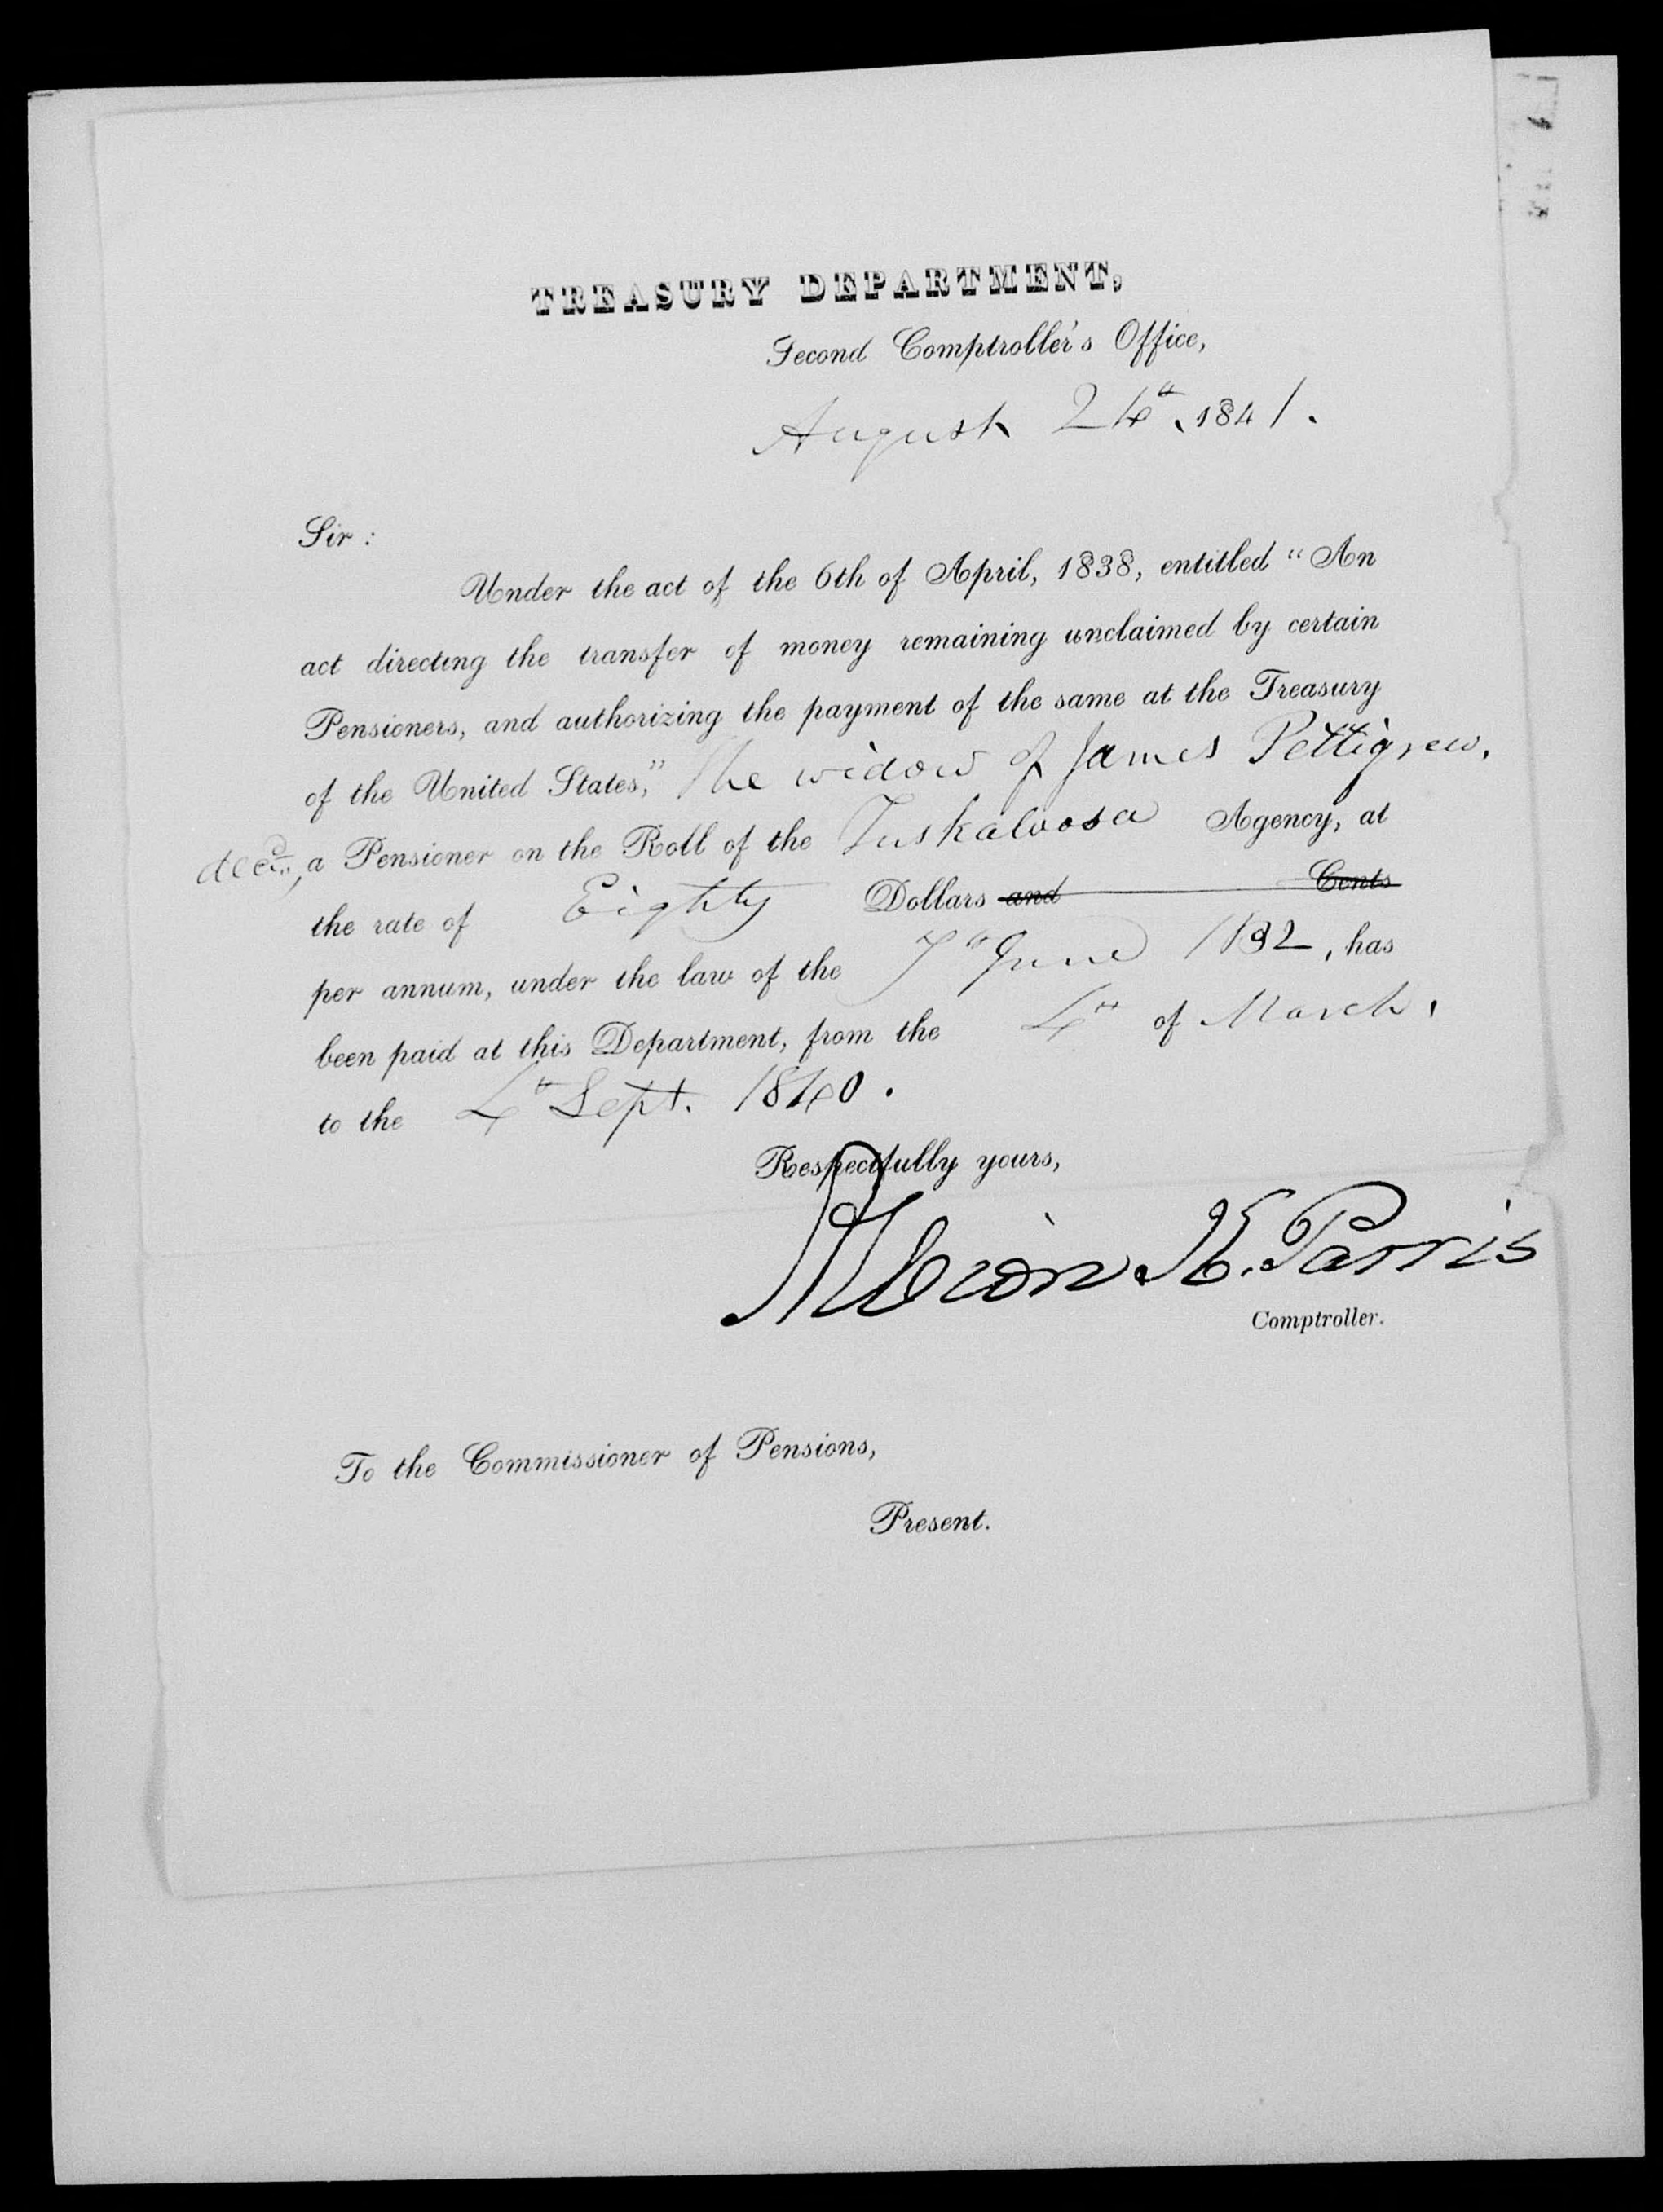[typed form, with handwritten responses]
TREASURY DEPARTMENT,
Second Comptroller's Office,
August 26th, 1841.

Sir:
Under the act of the 6th of April 1838, entitled "An act directing the transfer of money remaining unclaimed by certain Pensioners, and authorizing the payment of the same at the Treasury of the United States," The  widow of James Pettigrew, dead, a Pensioner on the Roll of the Tuscaloosa Agency, at the rate of Eighty Dollars ["and Cents" crossed off] per annum, under the law of the 4th Jane 1832, has been paid at this Department, from the 4th of March, to the 4th Sept. 1870.
Respectfully yours,
[illegible]. Parris
Comptroller.

To the Commissioner of Pensions,
Present.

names: James Pettigrew; Albion K Parris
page: 36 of 92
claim: widow's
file: W. 5522, for James Pettigrew, South Carolina